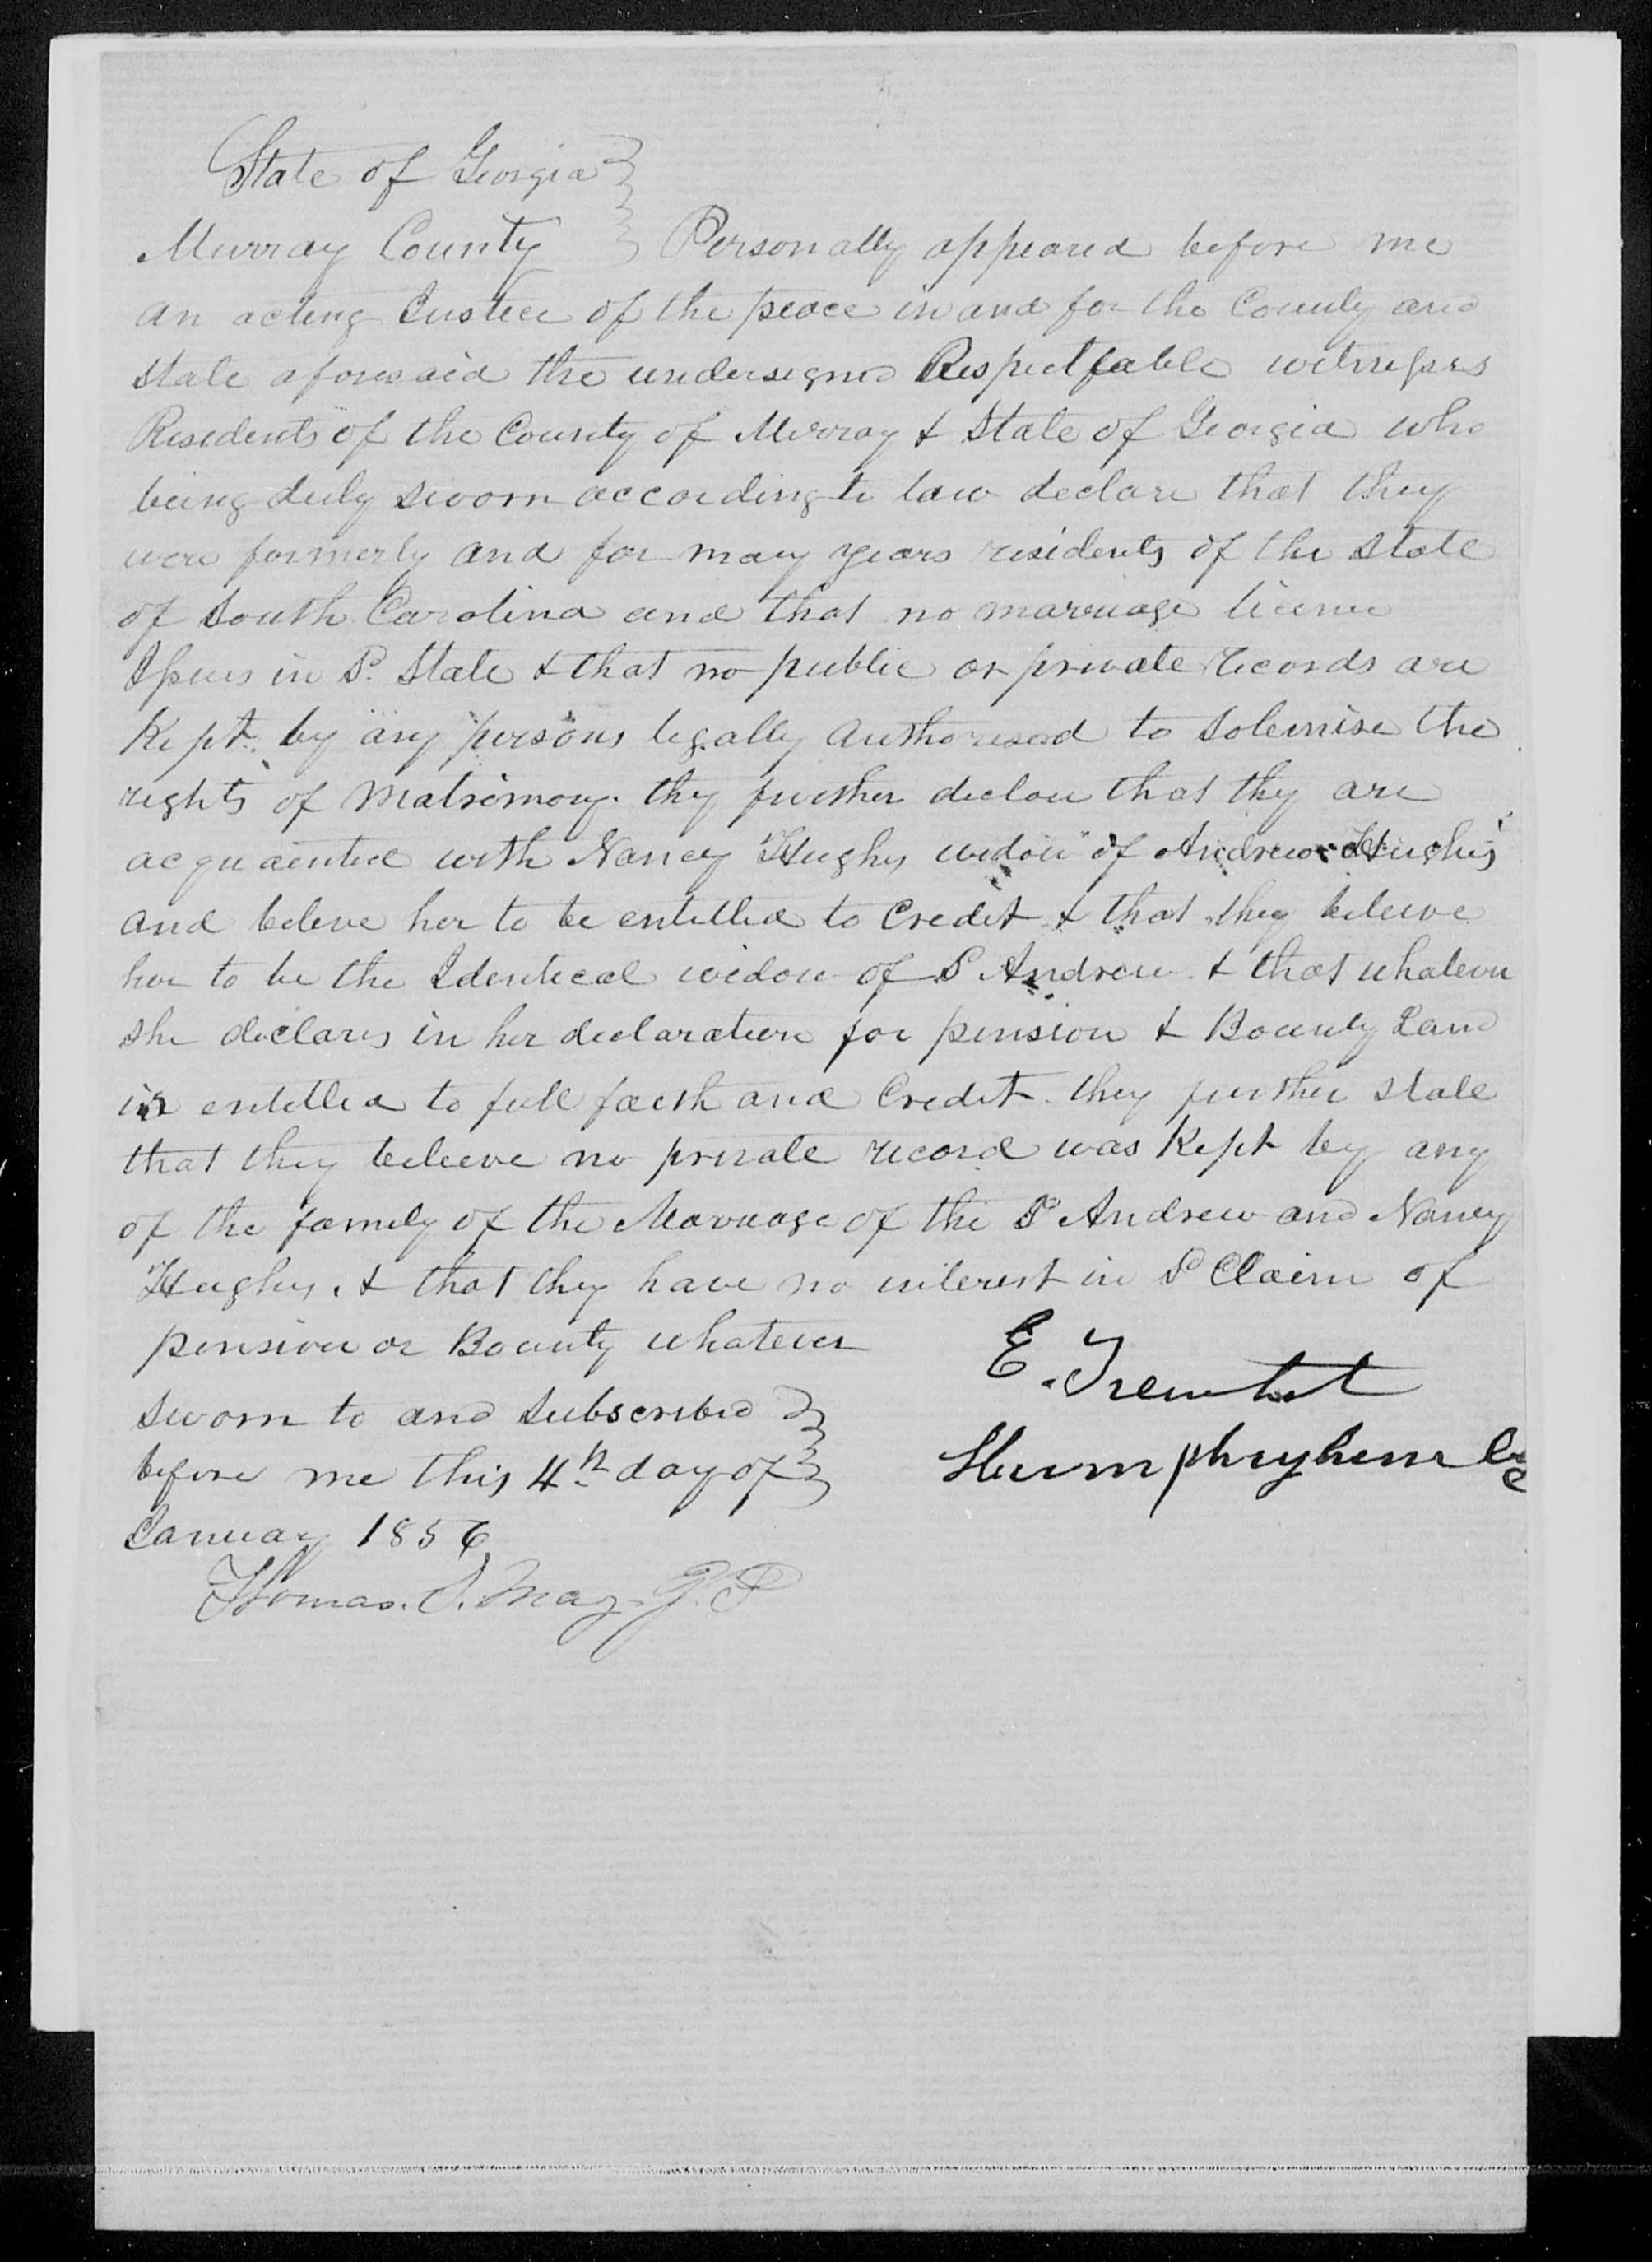State of Georgia Murray County Personally appeared before me an acting Justice of the peace in and for the County and State aforesaid the undersigned Respectable witnesses Residents of the County of Murray & State of Georgia who being duly sworn according to law declare that they were formerly and for many years residents of the State of South Carolina and that no marriage licence Issues in sd State & that no public or private records are kept by any persons legally authorized to Solemise the rights of Matrimony, they further declare that they are acquainted with Nancy Hughes widow of Andrew Hughes and belive her to be entitled to credit & that they believe her to be the Identical widow of sd Andrew & that whatever she declares in her declaration for pension & Bounty Land is entitled to full faith and credit they further state that they believe no private record was kept by any of the family of the Marriage of the Sd Andrew and Nancy Hughes, & that they have no interest in sd claim of pension or Bounty whatever 
Sworn to and subscribed before me this 4th day of January 1856 Thomas S. May J. P.
E. Trembot
[illegible]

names: E Trembot, Thomas S May, Andrew Hughes, Nancy Hughes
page: 42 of 75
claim: widow's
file: W. 25805, Andrew Hughes, N.C.